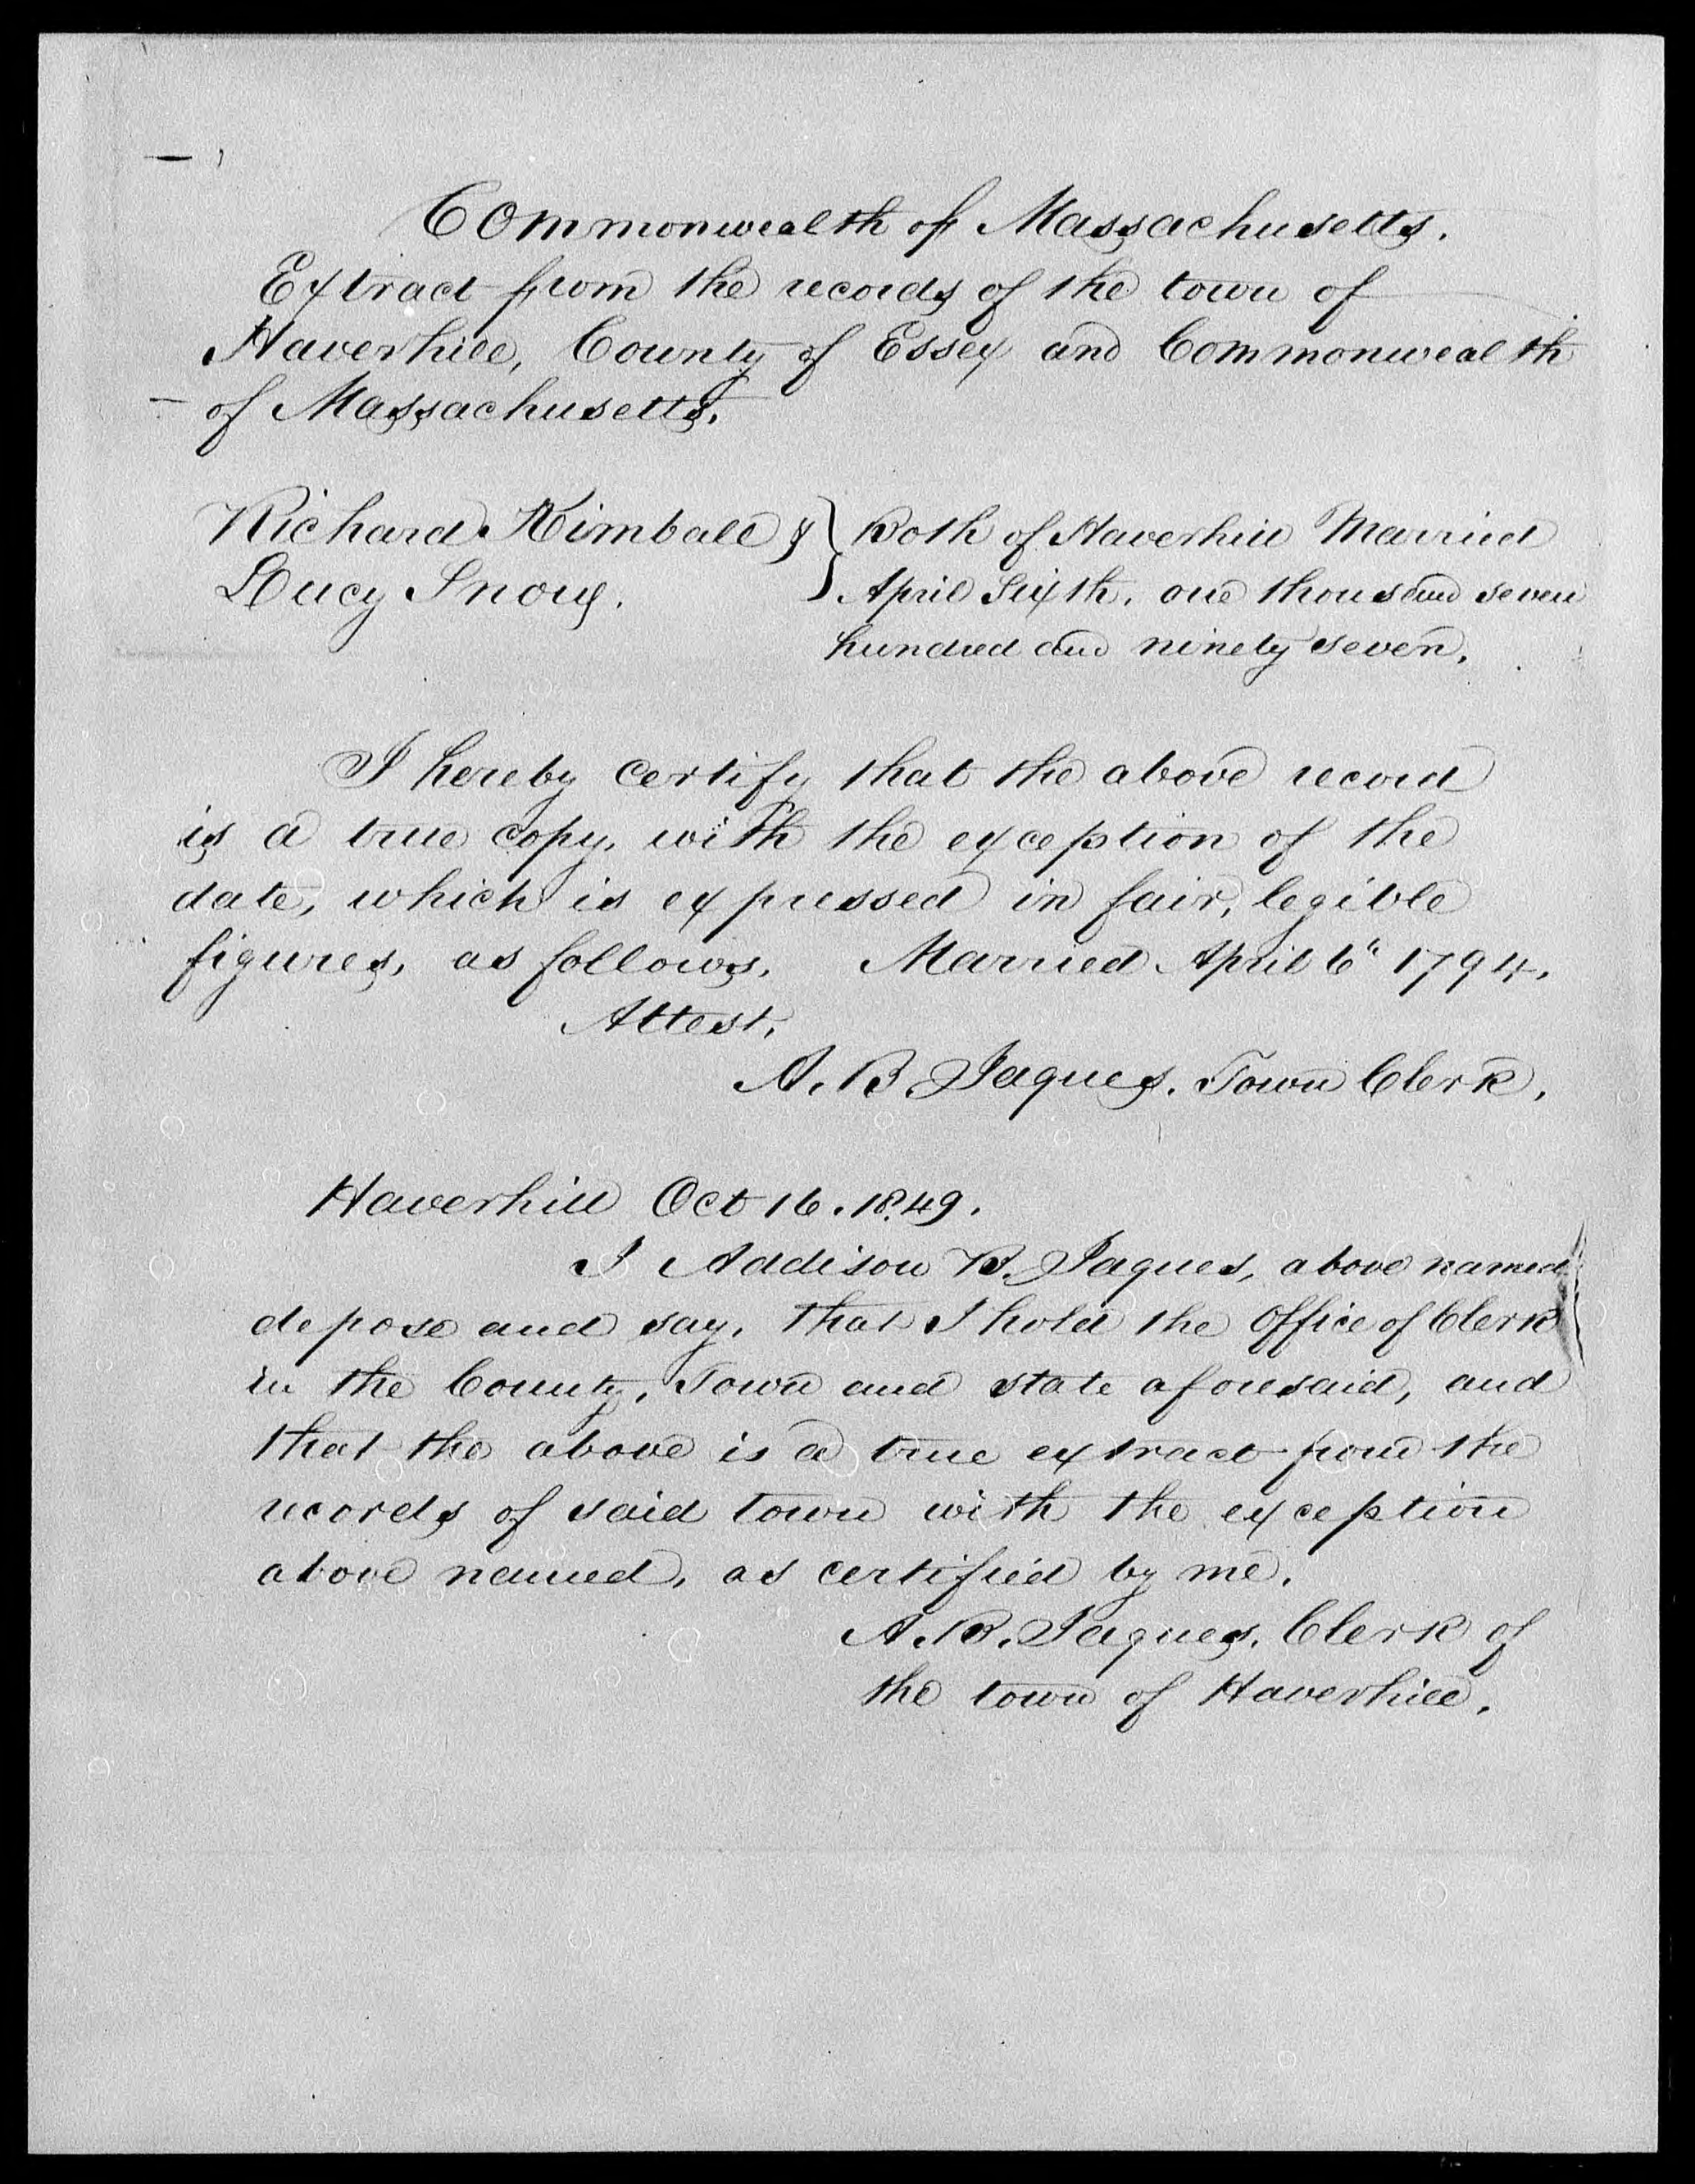Commonwealth of Massachusetts.
Extract from the records of the town of
Haverhill, County of Essex and Commonwealth
of Massachusetts.

Richard Kimball
Lucy Snow } both of Haverhill married April sixth one thousand seven hundred and ninety seven

I hereby certify that the above record is a true copy, with the exception of the date, which is expressed in fair, legible figures, and follows, married April 6th 1794,
Attest,
A. B. Jaques, Town Clerk

Haverhill Oct 16. 1849,
I Addison B Jaques, above named depose and say, that I hold the Office of Clerk in the County, Town and state aforesaid, and that the above is a true extract from the records of said town with the exception above named, as certified by me.
A. B. Jaques, Clerk of the town of Haverhill.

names: Lucy Snow; Addison B Jaques; Richard Kimball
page: 13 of 29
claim: widow's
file: W. 1779, for Richard Kimball, Massachusetts